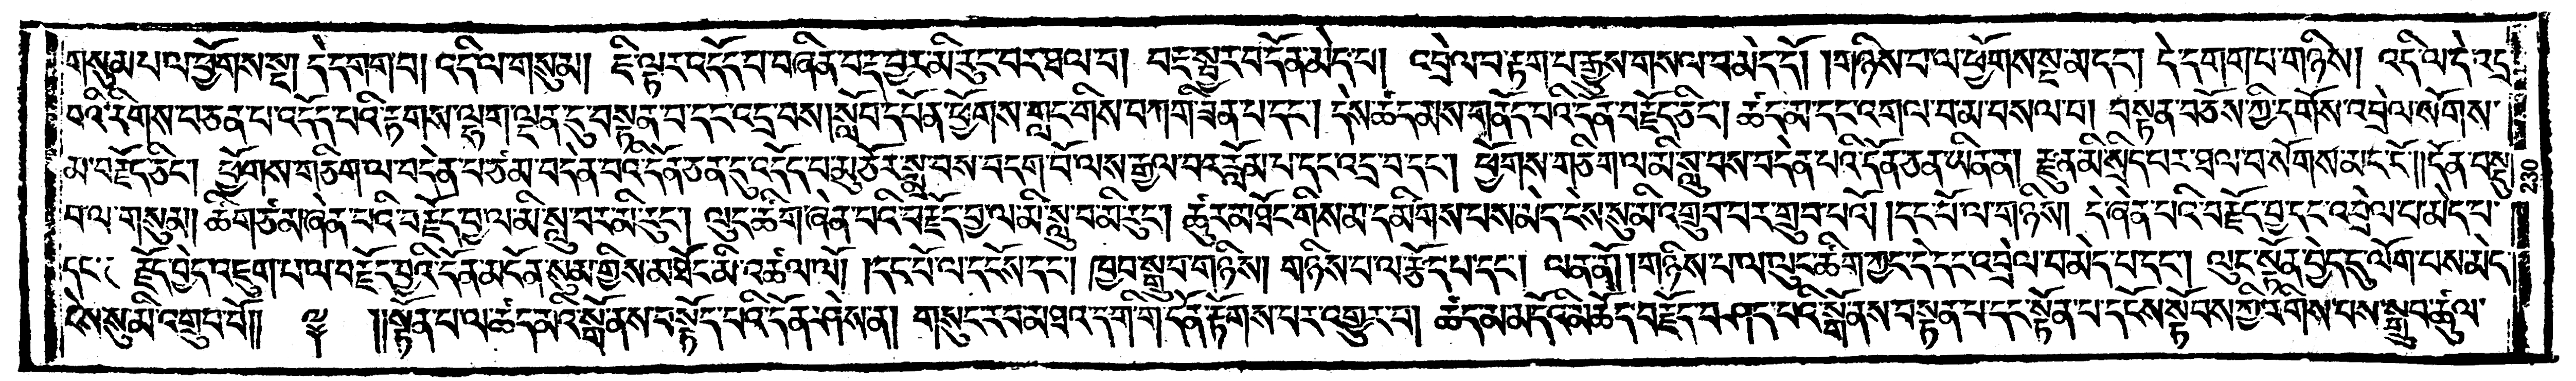གསུམ་པ་ལ་ཕྱོགས་སྔ། དེ་དགག་པ། འདི་ལ་གསུམ། ཇི་ལྟར་འདོད་པ་བཞིན་བརྡ་བྱར་མི་རུང་བར་ཐལ་བ། བརྡ་སྦྱར་བ་དོན་མེད་པ། འབྲེལ་བ་རྟག་པ་རྒྱུས་གསལ་བ་མེད་དོ། །གཉིས་པ་ལ་ཕྱོགས་སྔ་མ་དང་། དེ་དགག་པ་གཉིས། འདི་ལ་དེ་འདྲ་
བའི་རིགས་པ་ཅན་པ་འདོད་པའི་རྟགས་ལྷག་ལྡན་དུ་བསྟན་པ་དང་འདྲ་བས། སློབ་དཔོན་ཕྱོགས་གླང་གིས་བཀག་ཟིན་པ་དང་། དེས་ཚད་མས་གནོད་པའི་དོན་བརྗོད་ཅིང་། ཚད་མ་དང་འགལ་བ་མ་བསལ་བ། བསྟན་བཅོས་ཀྱི་དགོས་འབྲེལ་སོགས་
མ་བརྗོད་ཅིང་། ཕྱོགས་གཅིག་ལ་བདེན་པ་ཙམ་བདེན་པའི་དོན་ཅན་དུ་འདོད་པ་མུ་ཅོར་སྨྲ་བས་བདག་པོ་ལས་རྒྱལ་བར་རློམ་པ་དང་འདྲ་བ་དང་། ཕྱོགས་གཅིག་ལ་མི་སླུ་བས་བདེན་པའི་དོན་ཅན་ཡིན་ན། རྫུན་མི་སྲིད་པར་ཐལ་བ་སོགས་མང་ངོ། །དོན་བསྡུ་
བ་ལ་གསུམ། ཚིག་ཙམ་ཞེན་པའི་བརྗོད་བྱ་ལ་མི་སླུ་བར་མི་རུང་། ལུང་ཚིག་ཞེན་པའི་བརྗོད་བྱ་ལ་མི་སླུ་བ་མི་རུང་། ཚུར་མཐོང་གིས་མ་དམིགས་པས་མེད་ངེས་སུ་མི་འགྲུབ་པར་གྲུབ་པའོ། །དང་པོ་ལ་གཉིས། དེ་ཞེན་པའི་བརྗོད་བྱ་དང་འབྲེལ་པ་མེད་པ་
དང་། རྗོད་བྱེད་འཇུག་པ་ལ་བརྗོད་བྱའི་དོན་མངོན་སུམ་གྱིས་མཐོང་མི་འཚལ་ལོ། །དང་པོ་ལ་དངོས་དང་། ཁྱབ་སྒྲུབ་གཉིས། གཉིས་པ་ལ་རྩོད་པ་དང་། ལན་ནོ། །གཉིས་པ་ལ་ལུང་ཚིག་ཀྱང་དེ་དང་འབྲེལ་པ་མེད་པ་དང་། ལུང་སྟོན་བྱེད་དུ་ལོག་པས་མེད་
ངེས་སུ་མི་འགྲུབ་བོ།། ~་།།སྟོན་པ་ལ་ཚད་མའི་སྒོ་ནས་བསྟོད་པའི་དོན་ཤེས་ན། གསུང་རབ་མཐའ་དག་གི་དོན་རྟོགས་པར་འགྱུར་བ། ཚད་མ་མདོའི་མཆོད་བརྗོད་བཤད་པའི་སྒོ་ནས་བསྟན་པ་དང་སྟོན་པ་དངོས་སྟོབས་ཀྱི་རིགས་པས་སྒྲུབ་ཚུལ་